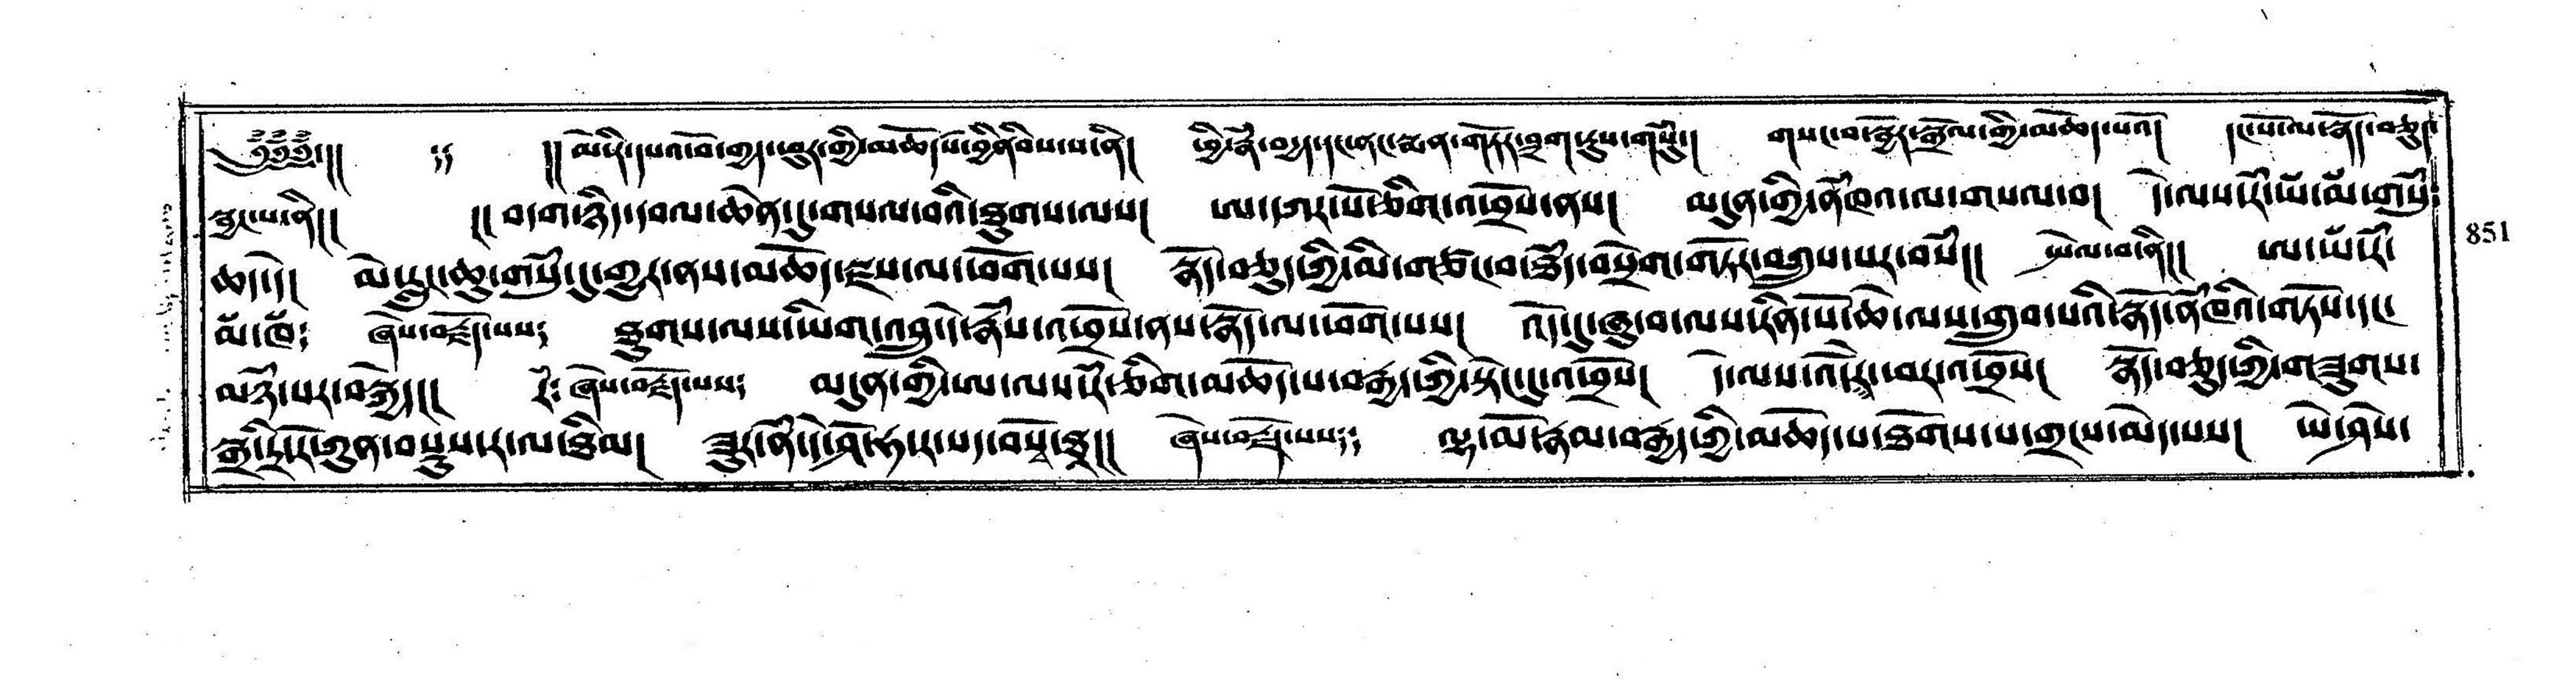༄༅༅།། །།མེ་རི་དཔའ་བོ་གྱད་ཕུར་གྱི་མཆོད་རྫས་བྱིན་གྱིས་བརླབས་པ་ནི། ཕྱི་རྣམ་བརྒྱད་དང་ནང་སྨན་གཏོར་ཤ་ཁྲག་རུས་གསུམ། གསང་བ་སྦྱོར་སྒྲོལ་གྱི་མཆོད་པའོ། དང་པོ་ལ་སྣོད་བཅུད་
སྦྱང་པ་ནི།། །།བདག་ཉིད་དབལ་ཆེན་དུ་གསལ་བའི་ཐུགས་ལས། ཨ་དཀར་པོ་ཅིག་འཕྲོས་ནས། མདུན་གྱི་ནམ་མཁའ་ལ་གསལ་བ། དེ་ལས་རཾ་ཡཾ་མཾ་གསུམ་
ཆད་དེ། མེ་རླུང་ཆུ་གསུམ་དུ་གྱུར་ནས་མཆོད་རྫས་ལ་ཕོག་པས། སྣོད་བཅུད་ཀྱི་མི་གཙང་མ་ཐམས་ཅད་བསྲེག་གཏོར་བཀྲུས་པར་བསམ།། སྤེལ་བ་ནི།། ཨ་ཡཾ་རཾ་
མཾ་ཁཾ་ཞེས་བརྗོད་པས། ཐུགས་ལས་ཡིག་འབྲུ་དེ་རྣམས་འཕྲོས་ནས་སྣོད་ལ་ཕོག་པས། འོད་དུ་ཞུ་བ་ལས་རིན་པོ་ཆེ་ལས་གྲུབ་པའི་སྣོད་ནམ་མཁའི་གཏོས་དང་
མཉམ་པར་བསྐྱེད།། རཾ་ཞེས་བརྗོད་པས་མདུན་གྱི་ཨ་ལས་རཾ་ཅིག་མཆོད་པ་བརྒྱད་ཀྱི་སྟེང་དུ་འཕྲོས། དེ་ལས་འོད་ཟེར་ཕར་འཕྲོས། སྣོད་བཅུད་ཀྱི་གཟུགས་
སྒྲ་དྲི་རོ་ཀུན་བསྡུས་ར་ལ་ཐིམ། ཟུར་ནམ་དེ་ཤོ་ཧ་ར་སད་བསྭོ་ཐཱ།། ཞེས་བརྗོད་པས།། ལྷ་མོ་རྣམ་བརྒྱད་ཀྱི་མཆོད་པ་ཐོགས་པ་གྲངས་མེད་པས། ཡེ་ཤེས་